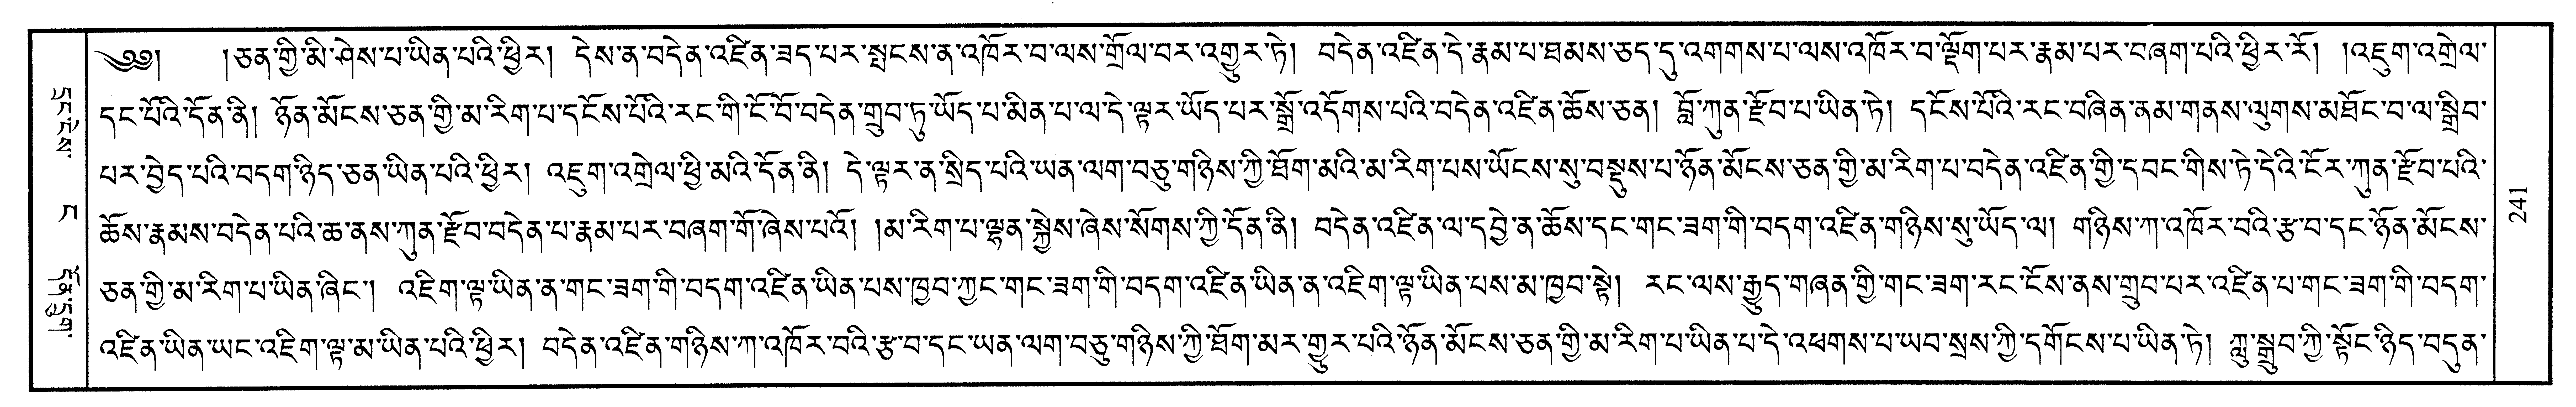༄༅། །ཅན་གྱི་མི་ཤེས་པ་ཡིན་པའི་ཕྱིར། དེས་ན་བདེན་འཛིན་ཟད་པར་སྤངས་ན་འཁོར་བ་ལས་གྲོལ་བར་འགྱུར་ཏེ། བདེན་འཛིན་དེ་རྣམ་པ་ཐམས་ཅད་དུ་འགགས་པ་ལས་འཁོར་བ་ལྡོག་པར་རྣམ་པར་བཞག་པའི་ཕྱིར་རོ། །འཇུག་འགྲེལ་
དང་པོའི་དོན་ནི། ཉོན་མོངས་ཅན་གྱི་མ་རིག་པ་དངོས་པོའི་རང་གི་ངོ་བོ་བདེན་གྲུབ་ཏུ་ཡོད་པ་མིན་པ་ལ་དེ་ལྟར་ཡོད་པར་སྒྲོ་འདོགས་པའི་བདེན་འཛིན་ཆོས་ཅན། བློ་ཀུན་རྫོབ་པ་ཡིན་ཏེ། དངོས་པོའི་རང་བཞིན་ནམ་གནས་ལུགས་མཐོང་བ་ལ་སྒྲིབ་
པར་བྱེད་པའི་བདག་ཉིད་ཅན་ཡིན་པའི་ཕྱིར། འཇུག་འགྲེལ་ཕྱི་མའི་དོན་ནི། དེ་ལྟར་ན་སྲིད་པའི་ཡན་ལག་བཅུ་གཉིས་ཀྱི་ཐོག་མའི་མ་རིག་པས་ཡོངས་སུ་བསྡུས་པ་ཉོན་མོངས་ཅན་གྱི་མ་རིག་པ་བདེན་འཛིན་གྱི་དབང་གིས་ཏེ་དེའི་ངོར་ཀུན་རྫོབ་པའི་
ཆོས་རྣམས་བདེན་པའི་ཆ་ནས་ཀུན་རྫོབ་བདེན་པ་རྣམ་པར་བཞག་གོ་ཞེས་པའོ། །མ་རིག་པ་ལྷན་སྐྱེས་ཞེས་སོགས་ཀྱི་དོན་ནི། བདེན་འཛིན་ལ་དབྱེ་ན་ཆོས་དང་གང་ཟག་གི་བདག་འཛིན་གཉིས་སུ་ཡོད་ལ། གཉིས་ཀ་འཁོར་བའི་རྩ་བ་དང་ཉོན་མོངས་
ཅན་གྱི་མ་རིག་པ་ཡིན་ཞིང་། འཇིག་ལྟ་ཡིན་ན་གང་ཟག་གི་བདག་འཛིན་ཡིན་པས་ཁྱབ་ཀྱང་གང་ཟག་གི་བདག་འཛིན་ཡིན་ན་འཇིག་ལྟ་ཡིན་པས་མ་ཁྱབ་སྟེ། རང་ལས་རྒྱུད་གཞན་གྱི་གང་ཟག་རང་ངོས་ནས་གྲུབ་པར་འཛིན་པ་གང་ཟག་གི་བདག་
འཛིན་ཡིན་ཡང་འཇིག་ལྟ་མ་ཡིན་པའི་ཕྱིར། བདེན་འཛིན་གཉིས་ཀ་འཁོར་བའི་རྩ་བ་དང་ཡན་ལག་བཅུ་གཉིས་ཀྱི་ཐོག་མར་གྱུར་པའི་ཉོན་མོངས་ཅན་གྱི་མ་རིག་པ་ཡིན་པ་དེ་འཕགས་པ་ཡབ་སྲས་ཀྱི་དགོངས་པ་ཡིན་ཏེ། ཀླུ་སྒྲུབ་ཀྱི་སྟོང་ཉིད་བདུན་